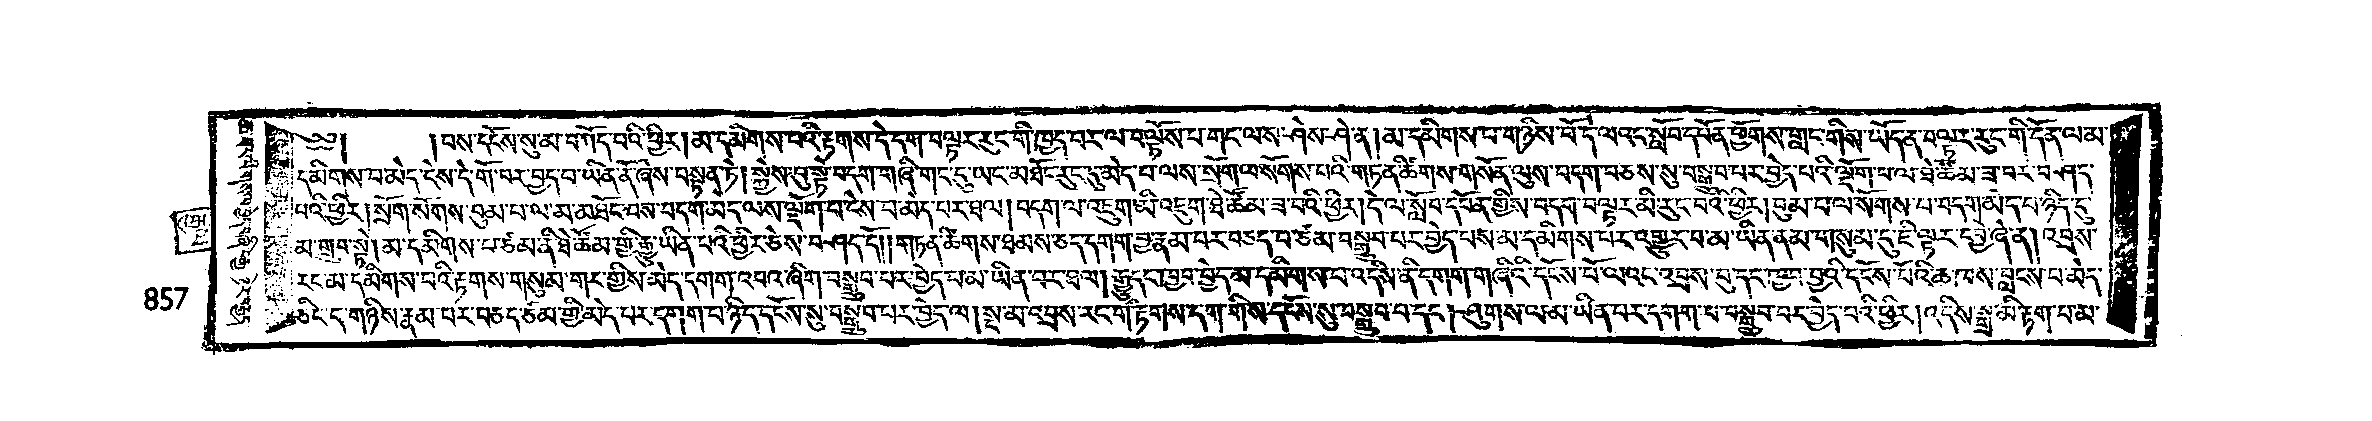༄༅། །པས་དངོས་སུ་མ་བཀོད་པའི་ཕྱིར། མ་དམིགས་པའི་རྟགས་དེ་དག་བལྟར་རུང་གི་ཁྱད་པར་ལ་བལྟོས་པ་གང་ལས་ཤེས་ཤེ་ན། མ་དམིགས་པ་གཉིས་པོ་དེ་ལའང་སློབ་དཔོན་ཕྱོགས་གླང་གིས་ཡོད་ན་བལྡར་རུང་གི་དོན་ལ་མ་
དམིགས་པ་མེད་ངེས་དེ་གོ་བར་བྱད་པ་ཡིན་ནོ་ཞེས་སྟན་ཏེ། སྐྱེས་བུ་སྟེ་བདག་གཞི་གང་དུ་ཡང་མཐོང་རུང་དུ་མེད་པ་ལས་སྲོག་ལ་སོགས་པའི་གཏན་ཚིགས་གསོན་ལུས་བདག་བཅས་སུ་བསྒྲུབ་པར་བྱེད་པའི་ལྡོག་པ་ལ་ཐེ་ཚོམ་ཟ་བར་བཤད་
པའི་ཕྱིར། སྲོག་སོགས་བུམ་པ་ལ་མ་མཐོང་མས་བདག་མེད་ལས་ལྡོག་པ་དེས་པ་མེད་པར་ཐལ། བདག་ལ་འཇུག་མི་འཇུག་ཐེ་ཚོམ་ཟ་བའི་ཕྱིར། དེ་ལ་སློབ་དཔོན་གྱིས་བདག་བལྟར་མི་རུང་བའི་ཕྱིར། བུམ་པ་ལ་སོགས་པ་བདག་མེད་པ་ཉིད་དུ་
མ་གྲུབ་སྟེ། མ་དམིགས་པ་ཙམ་ནི་ཐེ་ཚོམ་?་གྱི་རྒྱུ་ཡིན་པའི་ཕྱིར་ཅེས་བཤད་དོ། །གཏན་ཚིགས་ཐམས་ཅད་དགག་བྱ་རྣམ་པར་བཅད་པ་ཙམ་བསྒྲུབ་པར་བྱེད་པས་མ་དམིགས་པར་འགྱུར་བ་མ་ཡིན་ནམ་གསུམ་དུ་ཇི་ལྟར་དབྱེ་ཞེ་ན། འབྲས་
རང་མ་དམིགས་པའི་རྟགས་གསུམ་གར་གྱིས་མེད་དགག་འབའ་ཞིག་བསྒྲུབ་པར་བྱེད་པ་མ་ཡིན་པར་ཐལ། རྒྱུ་དང་ཁྱབ་བྱེད་མ་དམིགས་པ་འདིས་ནི་དགག་གཞིའི་དངོས་པོ་ལའང་འབྲས་བུ་དང་ཁྱབ་བྱའི་དངོས་པོའི་རྒྱ་ཁས་བླངས་པ་མེད་
ཅིང་དེ་གཉིས་རྣམ་པར་བཅད་ཙམ་གྱི་མེད་པར་དགག་པ་ཉེད་དངོས་སུ་བསྒྲུབ་པར་བྱེད་ལ། སྔ་མ་འབྲས་རང་གི་རྟགས་དག་གིས་དངོས་སུ་བསྒྲུབ་པ་དང་། ཤུགས་ལ་མ་ཡིན་པར་དགག་པ་བསྒྲུབ་བར་བྱེད་པའི་ཕྱིར། འདིས་སྒྲ་མི་རྟག་པ་མ་